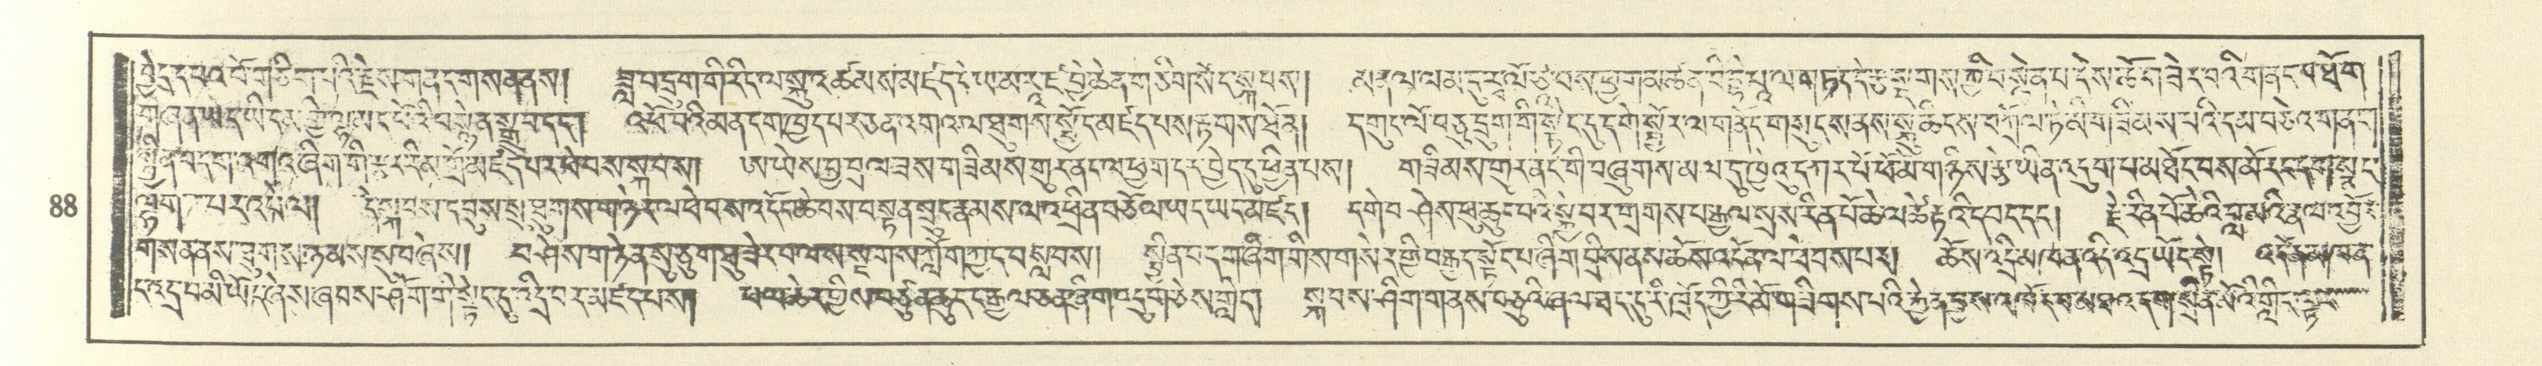བྱེད་དཔའ་བོ་གཅིག་པའི་རྗེས་གནང་གསན་ནས། ཟླ་བ་དྲུག་གི་རིང་ལ་སྐུ་འཚམས་མཛད་དེ་ཡ་མ་རཱ་ཛ་བྱེ་ཆེན་གཅིག་སོང་སྐབས། མནལ་ལམ་དུ་རྭ་ལོ་ཙཱ་བས་ཕྱག་མཚན་བི་དྷི་པཱ་ལ་གཏད་དེ་རྩ་སྔགས་ཀྱི་བསྙེན་པ་དེས་ཆོག་ཟེར་བའི་གནང་པ་ཐོབ།
གཞན་ཡང་ཡི་དམ་གྱི་ལྷ་མང་པོའི་བསྙེན་སྒྲུབ་དང་། འཕོ་པའི་མན་ངག་ཁྱད་པར་ཅན་འགའ་ལ་ཐུགས་སྦྱོང་མཛད་པས་རྟགས་ཐོན། དགུང་ལོ་བཅུ་དྲུག་གི་སྟེང་དུ་དགེ་སྦྱོར་ལ་གནོད་གསུངས་ནས་སྐུ་ཆིངས་བཀྲོལ་ཏེ་མི་གཟིམས་པའི་དམ་བཅའ་གནང་།
སྦྱིན་བདག་འགའ་ཞིག་གི་རྩར་རིམ་གྲོ་མཛད་པར་ཕེབས་སྐབས། ཨ་ཡེས་བྱ་བྲལ་ཟས་གཟིམས་གུར་ནང་ལ་ཕྱག་དར་བྱེད་དུ་ཕྱིན་པས། གཟིམས་གུར་ནང་གི་བཞུགས་མལ་དུ་ཁྱེའུ་དཀར་པོ་ཕོ་མོ་གཉིས་རྩེ་ཡིན་འདུག་པ་མཐོང་བས་མོ་རང་དག་སྣང་
ལྷག་པར་འཕེལ། དེ་སྐབས་དབུས་སུ་ཐུགས་གཉེར་ལ་ཕེབས་འདོང་ཆེ་བས་བསྟན་སྲུང་རྣམས་ལ་འཕྲིན་བཅོལ་ཡང་ཡང་མཛད། དགེ་བཤེས་ཕུ་ཆུང་པའི་སྐྱེ་བར་གྲགས་བ་རྒྱལ་སྲས་རིན་པོ་ཆེ་ལ་ཚེ་རྟའི་དབང་དང་། རྗེ་རིན་པོ་ཆེའི་བླ་མའི་རྣལ་འབྱོར་
གསན་ནས་ཐུགས་ཉམས་སུ་བཞེས། བཤེས་གཉེན་སུ་ཅུག་ཐུ་ཟེར་བ་ལས་སྔགས་ཀློག་ཀྱང་བསླབས། སྦྱིན་བདག་ཞིག་གིས་གསེར་གྱི་བརྒྱད་སྟོང་པ་ཞིག་བྲིས་ནས་ཆོས་འདོན་ལ་ཕེབས་པར། ཆོས་འདྲི་མཁན་འདི་འདྲ་ཡོང་སྟེ། འདོན་མཁན་
ད་འདྲ་བ་མི་ཡོད་ཞེས་ཞབས་ཤོག་གི་སྟེང་དུ་འདྲི་བར་མཛད་པས། ཕལ་ཆེར་གྱིས་བཙུན་ཆུད་ང་རྒྱལ་ཅན་ཞིག་འདུག་ཅེས་གླིང་། སྐབས་ཤིག་གནས་བཅུའི་ཞལ་ཐང་དུ་རི་ཁྲོད་ཀྱི་རི་མོ་གཟིགས་པའི་རྐྱེན་བྱ་ས་འཁོར་བ་མཐའ་དག་སྲིན་མོའི་གླིང་ལྟར་